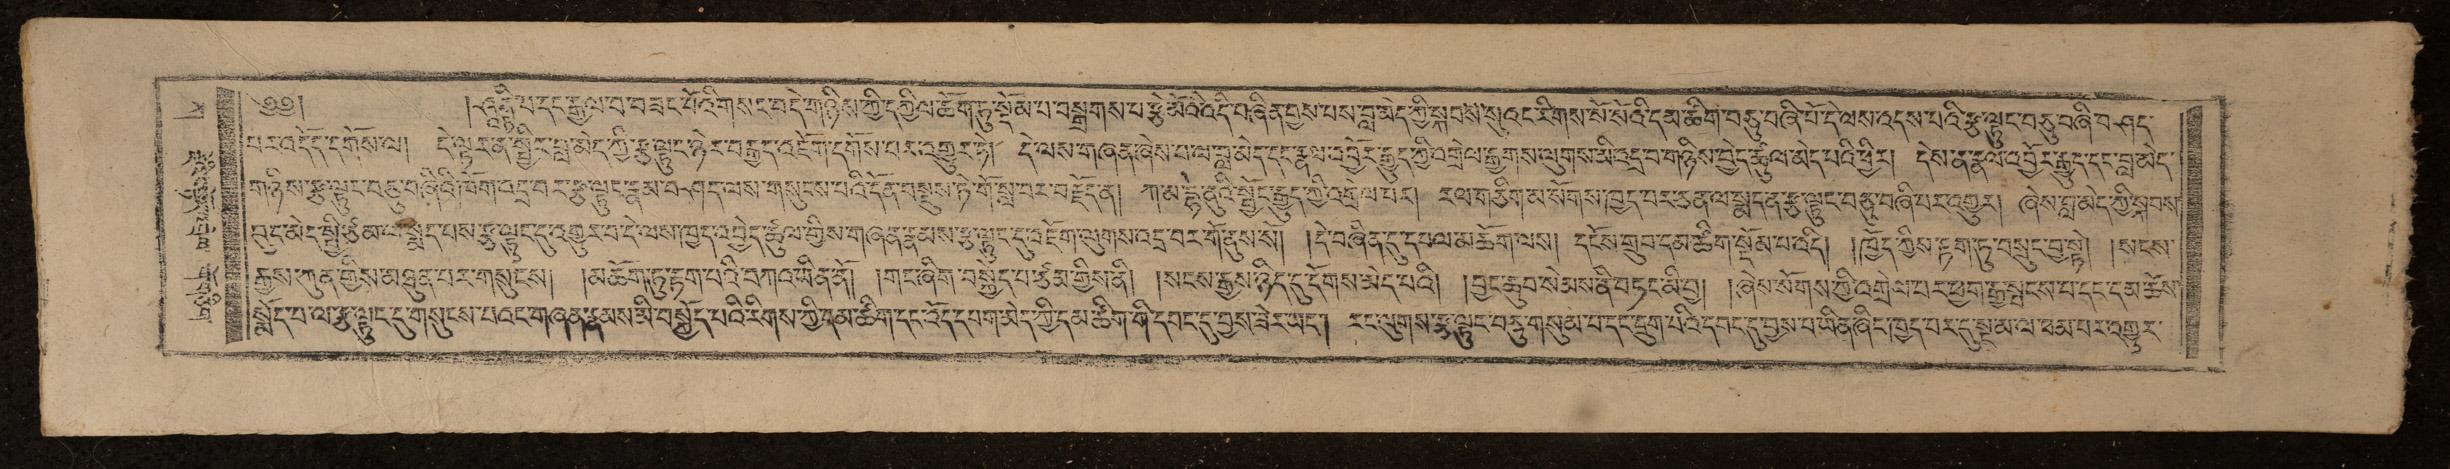༄༅། །ཤཱནྟི་པ་དང་རྒྱལ་བ་བཟང་པོའི་གསང་བ་དེ་གཉིས་ཀྱི་དཀྱིལ་ཆོག་ཏུ་སྡོམ་པ་བསྒྲགས་བརྩེ་མོའི་འདི་བཞིན་བྱས་བས་བླ་མེད་ཀྱི་སྐབས་སུ་འང་རིགས་སོ་སོའི་དམ་ཚིག་བཅུ་བཞི་པོ་དེ་ལས་འདས་པའི་རྩ་ལྟུང་བཅུ་བཞི་བཤད་
པར་འདོད་དགོས་ལ། དེ་ལྟར་ན་སྤྱིར་བླ་མེད་ཀྱི་རྩ་ལྟུང་ཉེར་བརྒྱད་འཇོག་དགོས་པར་འགྱུར་ཏེ། དེ་ལས་གཞན་ཞེས་པ་ལ་བླ་མེད་དང་རྣལ་འབྱོར་རྒྱུད་ཀྱི་འགྲེལ་རྒྱགས་ལུགས་མི་འདྲ་བ་གཉིས་བྱེད་ཚུལ་མེད་པའི་ཕྱིར། དེས་ན་རྣལ་འབྱོར་རྒྱུད་དང་བླ་མེད་
གཉིས་རྩ་ལྟུང་བཅུ་བཞིའི་ཁོག་འདྲ་བར་རྩ་ལྟུང་རྣམ་བཤད་ལས་གསུངས་པའི་དོན་བསྡུས་ཏེ་གོ་སླ་པར་བརྗོད་ན། ཀམ་དྷེ་ནུའི་སྦྱོང་རྒྱུད་ཀྱི་འགྲེལ་པར། རལ་གཅིག་མ་སོགས་ཁྱད་པར་ཅན་ལ་སྨད་ན་རྩ་ལྟུང་བཅུ་བཞི་བར་འགྱུར། ཞེས་བླ་མེད་ཀྱི་སྐབས་
བུད་མེད་སྤྱི་ཙམ་ལ་སྨད་པས་རྩ་ལྟུང་དུ་འགྱུར་བ་དེ་ལས་ཁྱད་འབྱེད་ཚུལ་གྱིས་གཞན་རྣམས་རྩ་ལྟུང་ངུ་འཇོག་ལུགས་འདྲ་བར་གོ་ནུས་སོ། །དེ་བཞིན་དུ་དཔལ་མཆོག་ལས། དངོས་གྲུབ་དམ་ཚིག་སྡོམ་པ་འདི། །ཁྱོད་ཀྱིས་རྟག་ཏུ་བསྲུང་བྱ་སྟེ། །སངས་
རྒྱས་ཀུན་གྱིས་མཐུན་པར་གསུངས། །མཆོག་ཏུ་རྟག་པའི་བཀའ་ཡིན་ནོ། །གང་ཞིག་བསྐྱེད་པ་ཙམ་གྱིས་ནི། །སངས་རྒྱས་ཉིད་དུ་དོགས་མེད་པའི། །བྱང་ཆུབ་སེམས་ནི་བཏང་མི་བྱ། །ཞེས་སོགས་ཀྱི་འགྲེལ་པར་ཕྱག་རྒྱ་སྤངས་པ་དང་དམ་ཆོས་
སྨོད་པ་ལ་རྩ་ལྟུང་དུ་གསུངས་པའང་གཞན་རྣམས་མི་བསྐྱོད་པའི་རིགས་ཀྱི་དམ་ཚིག་དང་འོད་དཔག་མེད་ཀྱི་དམ་ཚིག་གི་དབང་དུ་བྱས་ཟེར་ཡང་། རང་ལུགས་རྩ་ལྟུང་བཅུ་གསུམ་པ་དང་དྲུག་པའི་དབང་དུ་བྱས་པ་ཡིན་ཞིང་ཁྱད་པར་དུ་སྔ་མ་ལ་ཕམ་པར་འགྱུར་